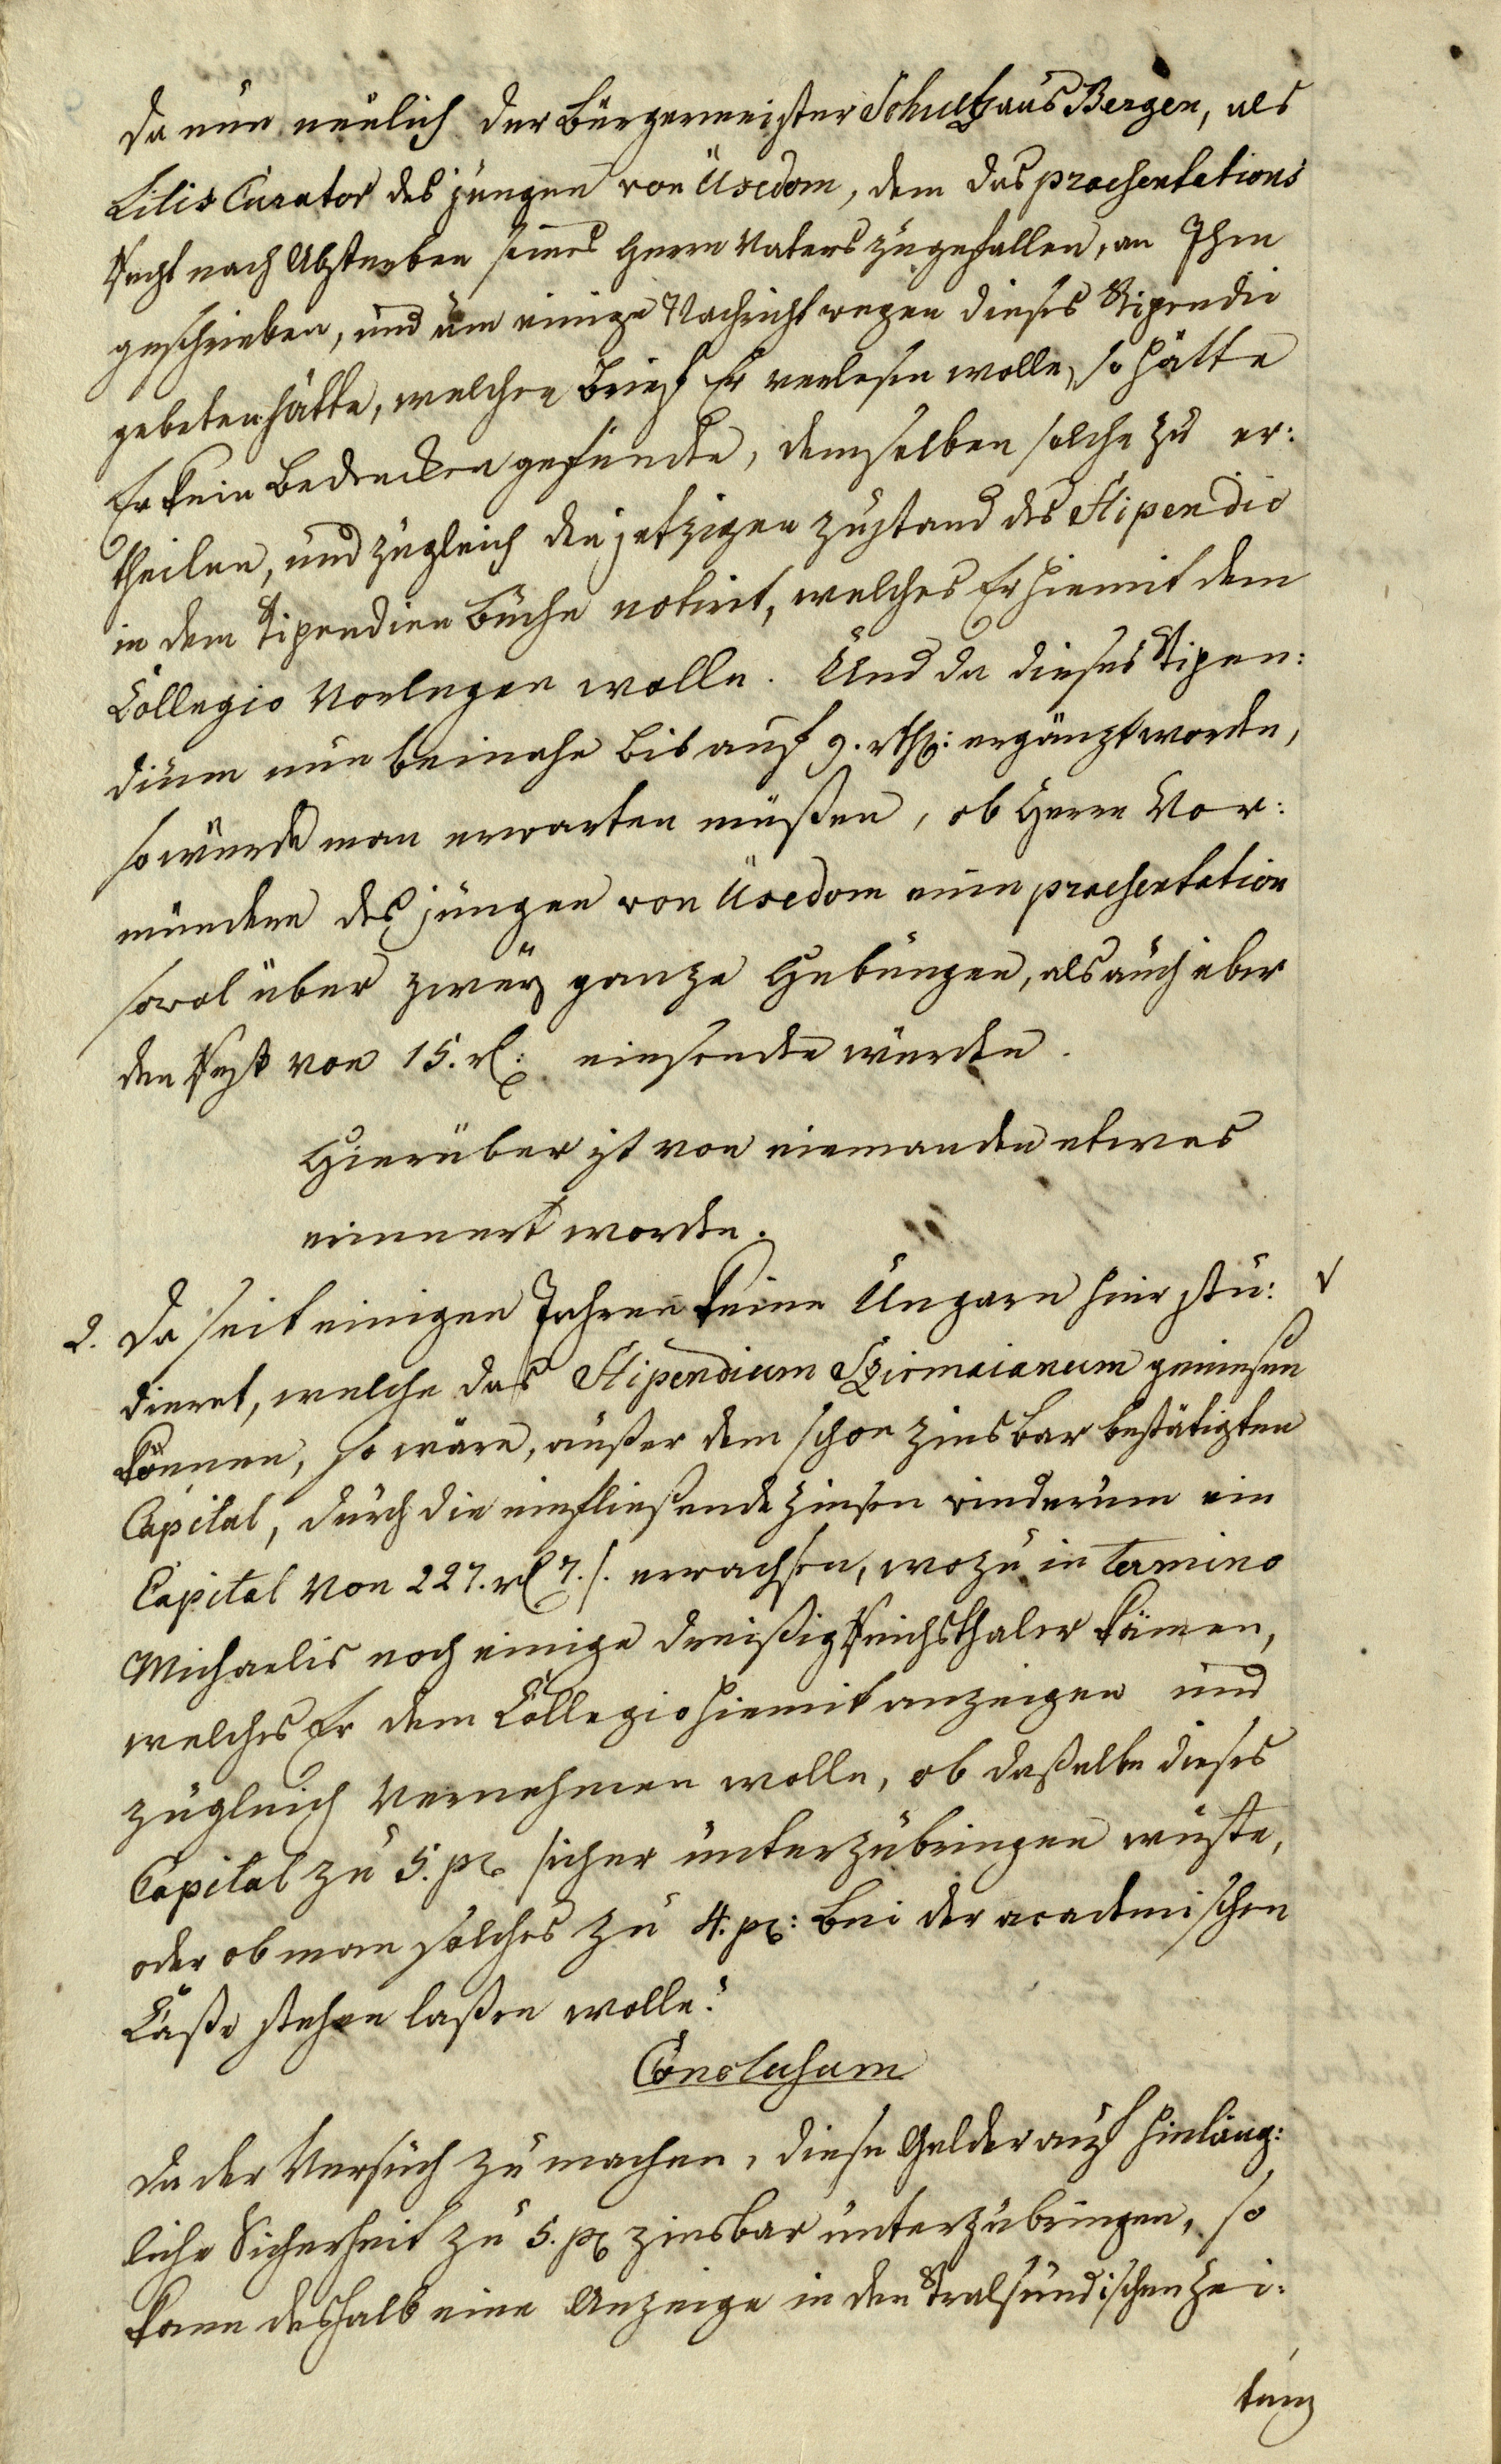da nun neulich der Bürgermeister Schultz aus Bergen, als
Litis Curator des jungen von Usedom, dem das praesentations
Recht nach Absterben seines Herrn Vaters zugefallen, an Ihm
geschrieben, und um einige Nachricht wegen dieses Stipendii
gebeten hätte, welchen Brief Er verlesen wolle, so hätte
Er kein Bedencken gefunden, demselben solche zu er¬
theilen, und zugleich den jetzigen Zustand des Stipendii
in dem Stipendien Buche notiret, welches er hiemit dem
Collegio vorlegen wolle. Und da dieses Stipen¬
dium nun beinahe bis auf 9. rth. ergänzt worden,
so würde man erwarten müßen, ob Herrn Vor¬
mündern des jungen von Usedom eine praesentation
sowol über zweÿ ganze Hebungen, als auch über
den Rest von 15. r. einsenden würden.
Hierüber ist von niemanden etwas
erinnert worden.
2. Da seit einigen Jahren keine Ungarn hier stu¬
diret, welche das Stipendium Szirmaianum geniesen
können, so wäre, außer dem schon zinsbar bestätigten
Capital, durch die einfließende Zinsen wiederum ein
Capital von 227. r. 7. s. erwachsen, wozu in termino
Michaelis noch einige dreißig Reichsthaler kämen,
welches Er dem Collegio hiemit anzeigen und
zugleich vernehmen wolle, ob daßelbe dieses
Capital zu 5 p. sicher unterzubringen wüste,
oder ob man solches zu 4. p. bei der academischen
Caße stehen laßen wolle.
Conclusum
Da der Versuch zu machen, diese Gelder auf hinläng¬
liche Sicherheit zu 5 p. zinsbar unterzubringen, so
kann deshalb eine Anzeige in der Stralsundischen Zei¬
tung